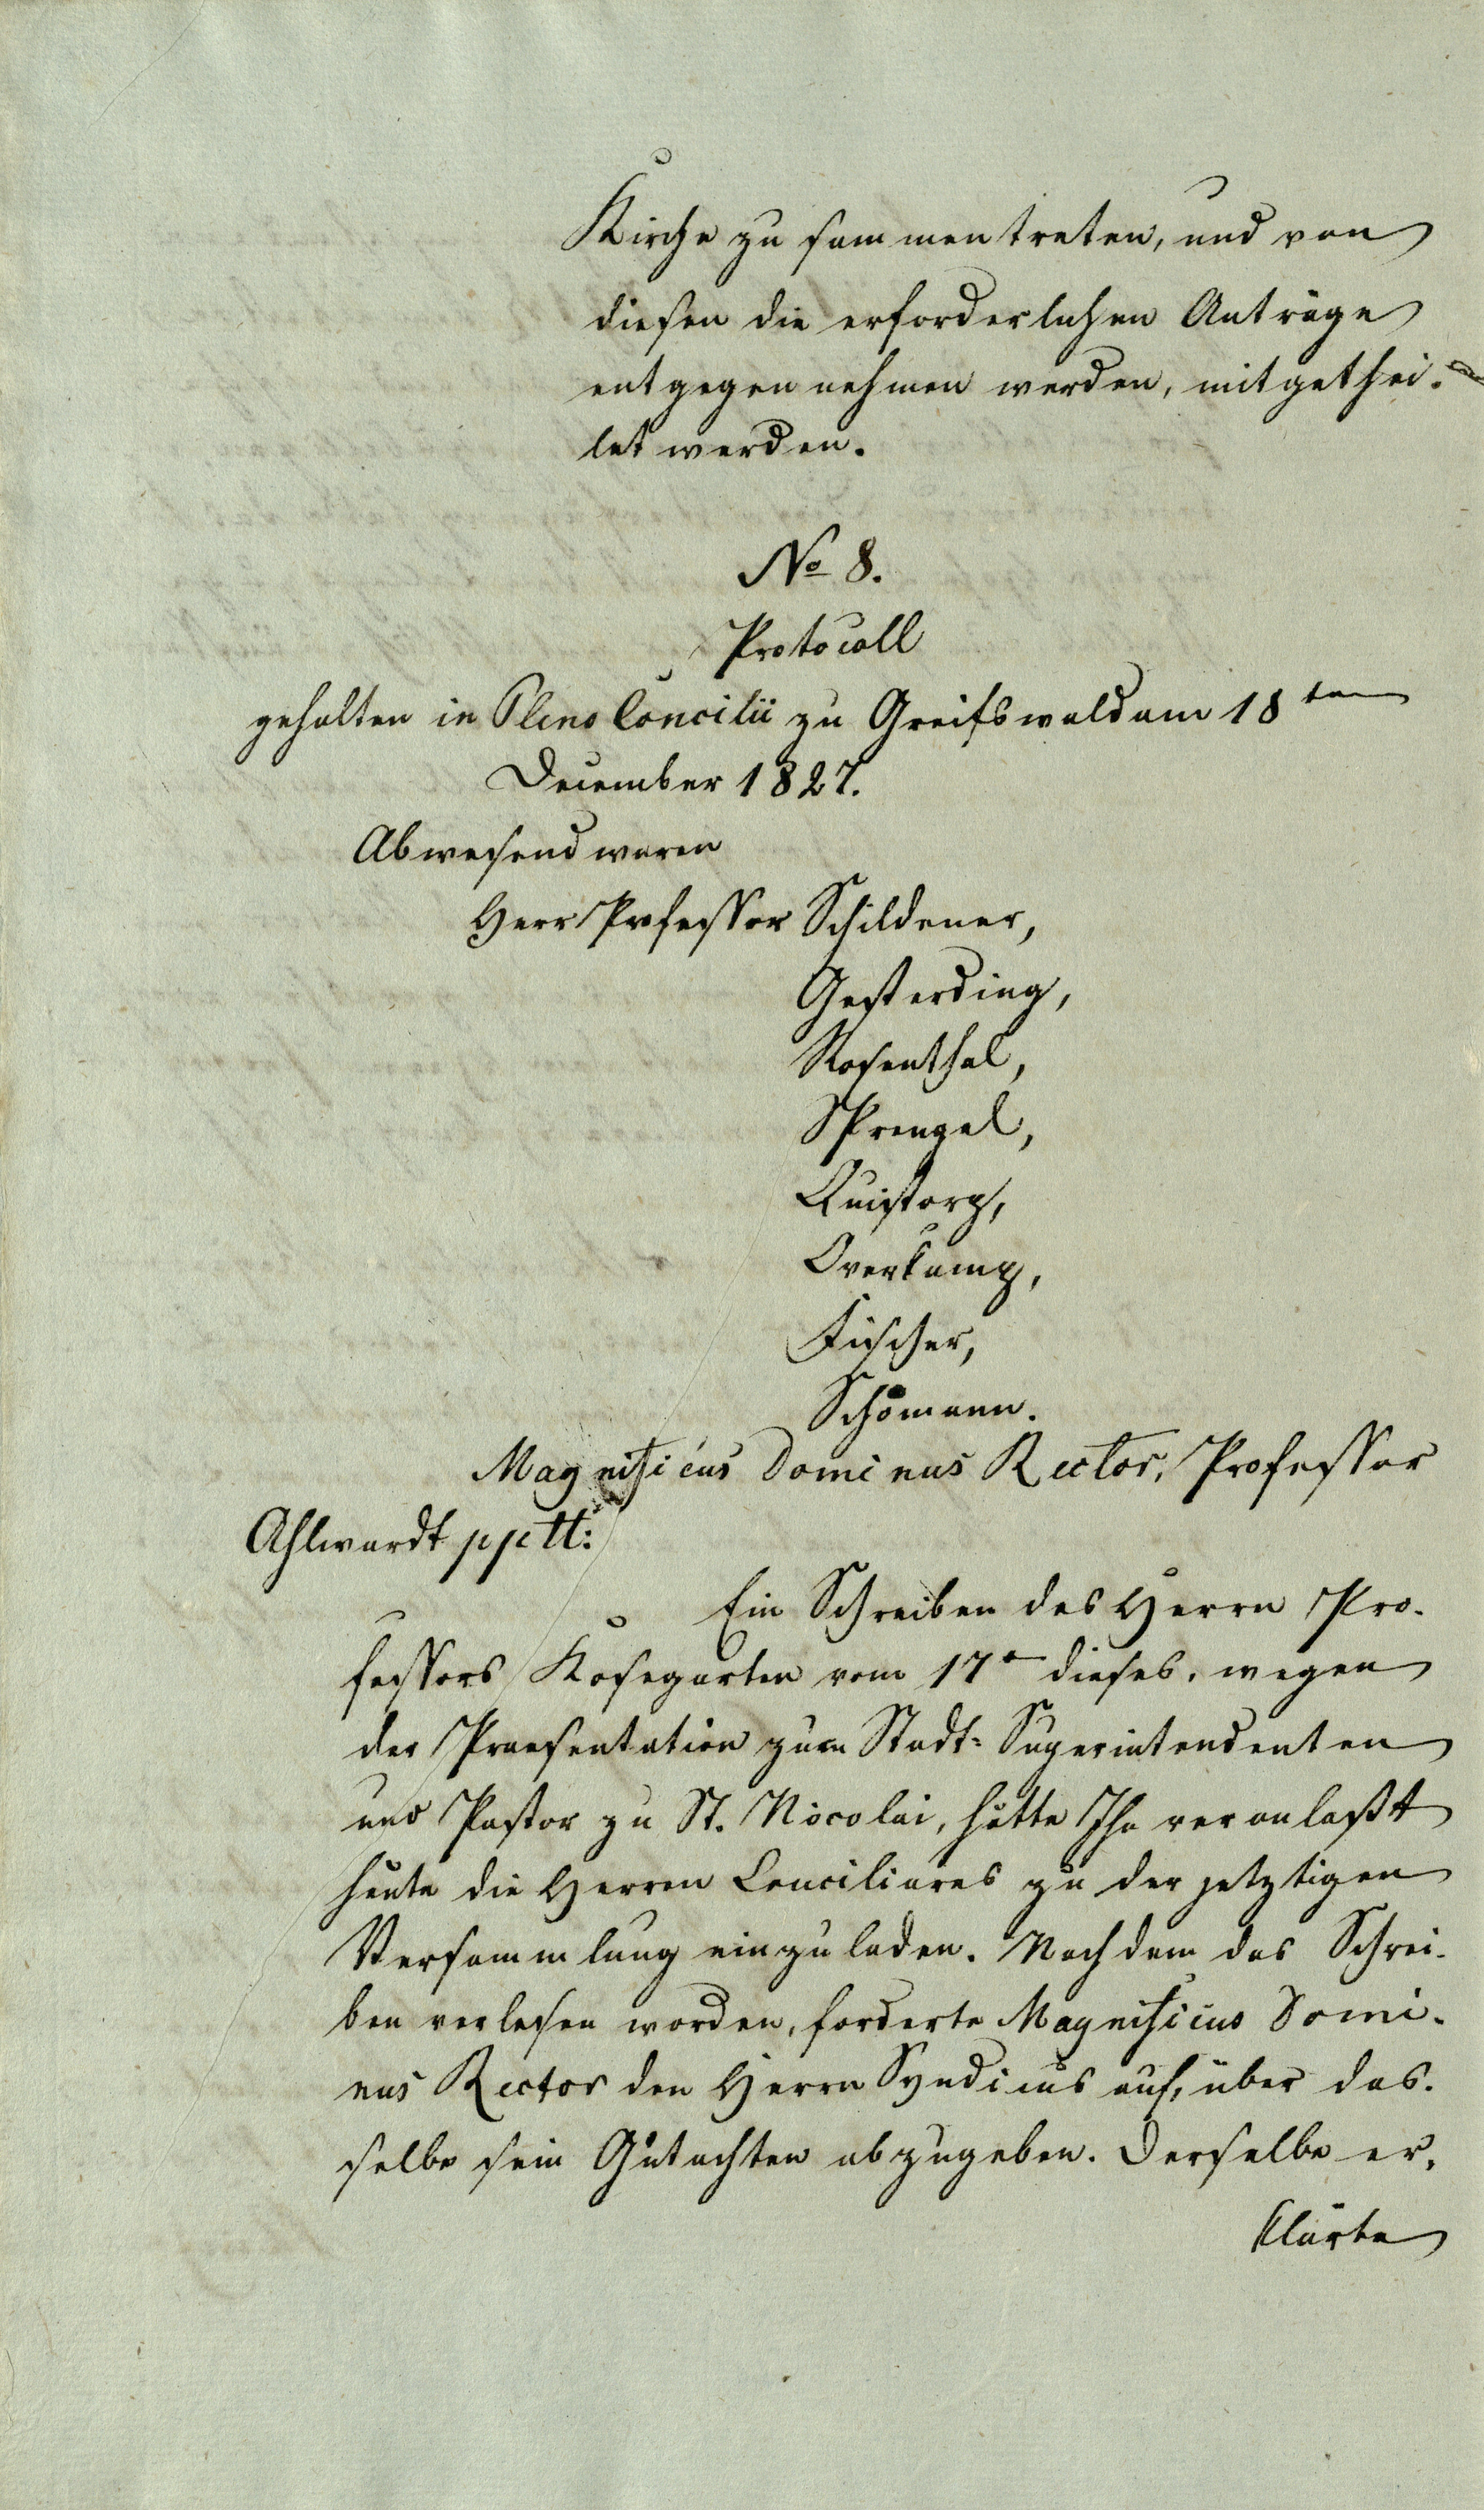Kirche zu sammentreten, und von
diesen die erforderlichen Anträge
entgegen nehmen werden, mitgethei¬
let werden.
No 8.
Protocoll
gehalten in Pleno Concilii zu Greifswald am 18 ten
December 1827.
Abwesend waren
Herr Professor Schildener,
Gesterding,
Rosenthal,
Sprengel,
Quistorp,
Overkamp,
Fischer,
Schömann.
Magnificus Dominus Rector, Professor
Ahlwardt pptt:
Ein Schreiben des Herrn Pro¬
fessors Kosegarten vom 17 ten dieses, wegen
der Praesentation zum Stadt- Superintendenten
und Pastor zu St. Nicolai, hätte Ihn veranlaßt,
heute die Herren Conciliares zu der jetztigen
Versammlung ein zu laden. Nach dem das Schrei¬
ben verlesen worden, forderte Magnificus Domi¬
nus Rector den Herrn Syndicus auf, über das¬
selbe sein Gutachten abzugeben. Derselbe er¬
klärte